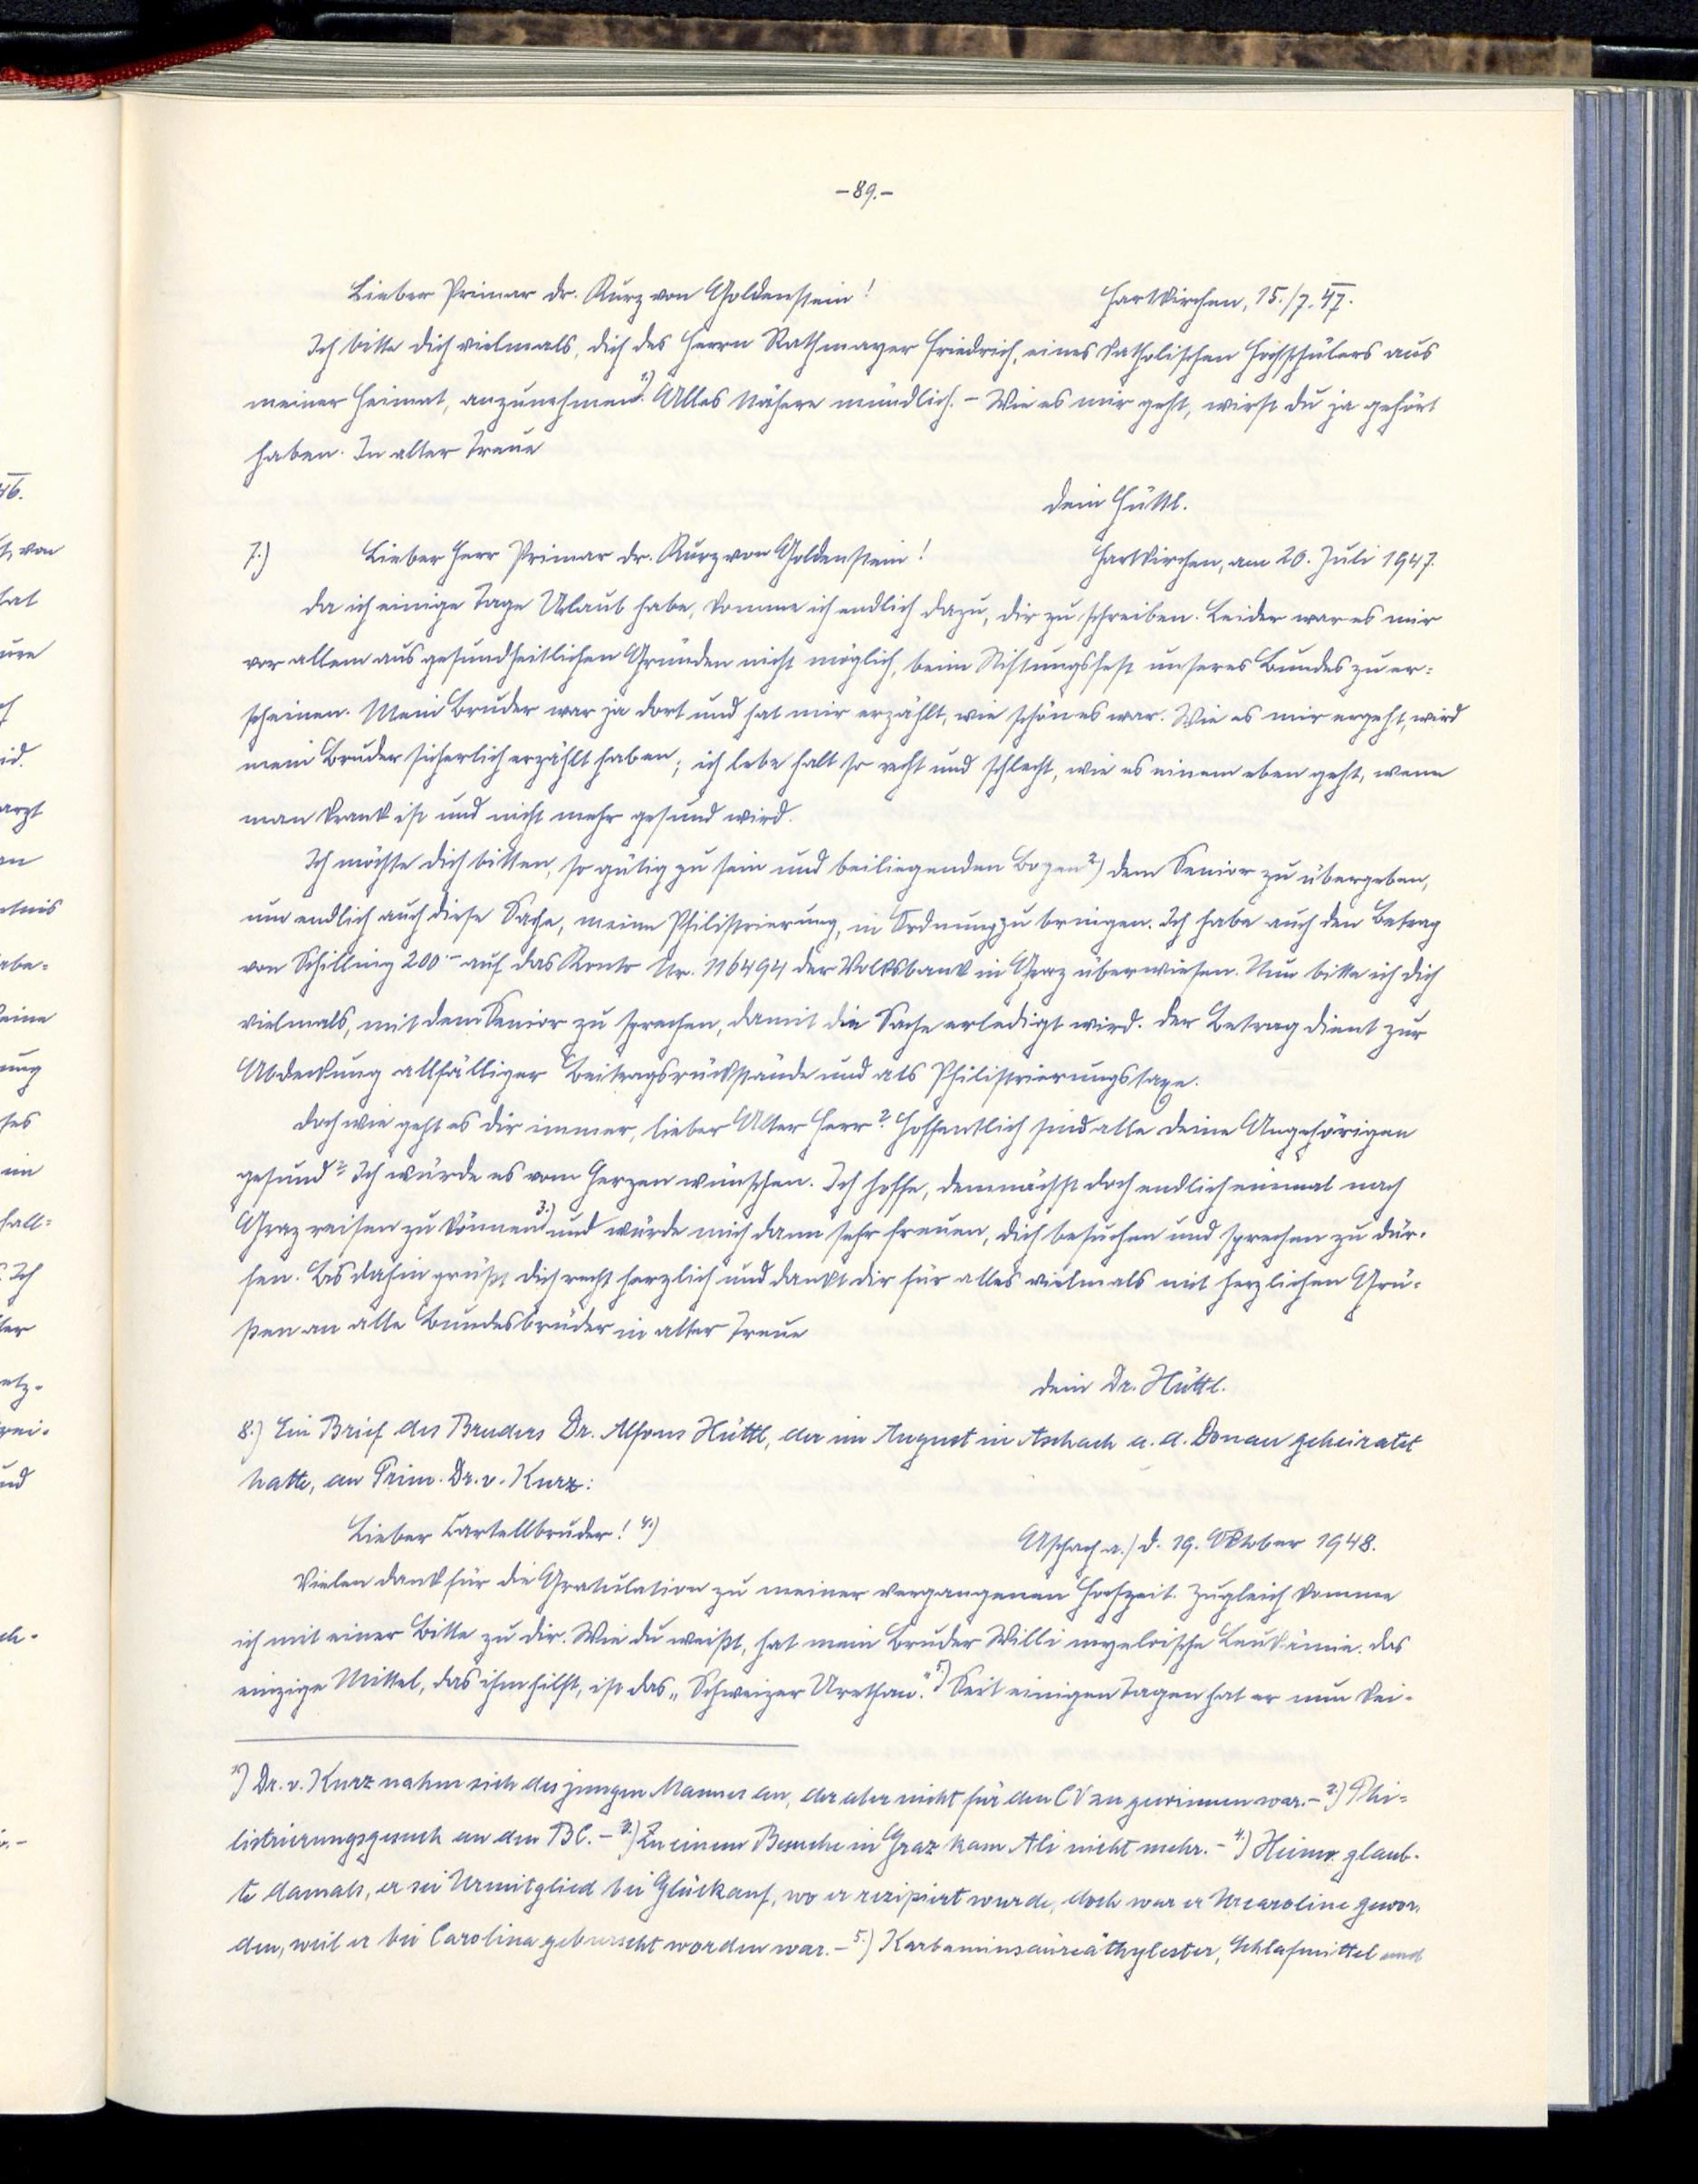89
Lieber Primar Dr. Kurz von Goldenstein
Hartkirchen, 15./7 47.
Ich bitte dich vielmals, dich des Hern Rathmayer Fridrich, eines kaholischen Hochschülers aus
meiner Heimat, anzunehmen. Alles nähere mündlich - Wie es mir geht, wirst du ja gehört
haben. In alter Treue
Dein
Lieber Herr Primar Dr. Kurz von Goldenstein!
Hartkirchen, am 20. Juli 1947.
7)
Da ich einige Tage Urlaub habe, konmme ich endlich dazu, dir zu schreiben. Leider war es mir
vor allem aus gesundheitlichen Gründen nicht möglich, beim Stiftungsfest unseres Bundes zu er-
scheinen. Mein Bruder war ja dort und hat mir erzählt, wie schön es war. Wie es mir ergeht, wird
mein Bruder sicherlich erzählt haben; ich lebe halt so recht und schlecht, wie es einem eben geht, wenn
man krank ist und nicht mehr gesund wird.
Ich möchte dich bitten, so gütig zu sein und beiliegenden Bogen 2) dem Senior zu übergeben,
um endlich auch diese Sache, meine Philistrierung, in Ordnung zu bringen. Ich habe auch den Betrag
von Schilling 200- auf das Konto Nr. 116494 der Volksbank in Graz überwiesen. Nun bitte ich dich
vielmals, mit dem Senior zu sprechen, damit die Sache erledigt wird. Der Betrag dient zur
Abdeckung allfälliger Beitragsrückstände und als Philistrierungstaxe.
Doch wie geht es dir immer, lieber Alter Herr? Hoffentlich sind alle deine Angehörigen
gesund? Ich würde es vo Herzen wünschen. Ich hoffe, demmächst doch endlich einmal nach
Graz reisen zu können.3) Ich würde mich dann sehr- freuen, dich besuchen und sprechen zu dür-
fen. Bis dahin grüßt dich recht herzlich und dankt Dir für alles vielmals mit herzlichen Grü-
ßen an alle Bundesbrüder in alter Treue
dein Dr. Hüttl.
8.) Ein Brief des Bruders Dr. Alfons Hüttl, der im August in Aschach a.d. Donau geheiratet
hatte, an Prim. Dr. v. Kurz:
Lieber Cartellbruder!4)
Aschach a /d, 19. Oktober 1948.
Vielen Dank für die Gratulation zu meiner vergangenen Hochzeit. Zugleich komme
ich mit einer Bitte zu Dir. Wie du weißt, hat mein Bruder Willi myeloische Leukämie, das
einzige Mittel, das ihm hilft, ist das „Schweizer Urethan" .5) Seit einigen Tagen hat er nun kei-
1.) Dr. v. Kurz nahm sich des jungen Mannes an, der aber nicht für den CV zu gewinnen war.- 2.) Phi-
listrierungsgesuch an den BC.- 2) Zu einem Besuche in Graz kam Ali nicht mehr. - ) Heimo glaub-
te damals, er sei Urmitglied bei Glückauf, wo er rezipiert wurde, doch war er Caroline gewor-
den, weil er bei Carolina geburscht worden war. 5) Karbeminsäureäthylester, Schlafmittel und